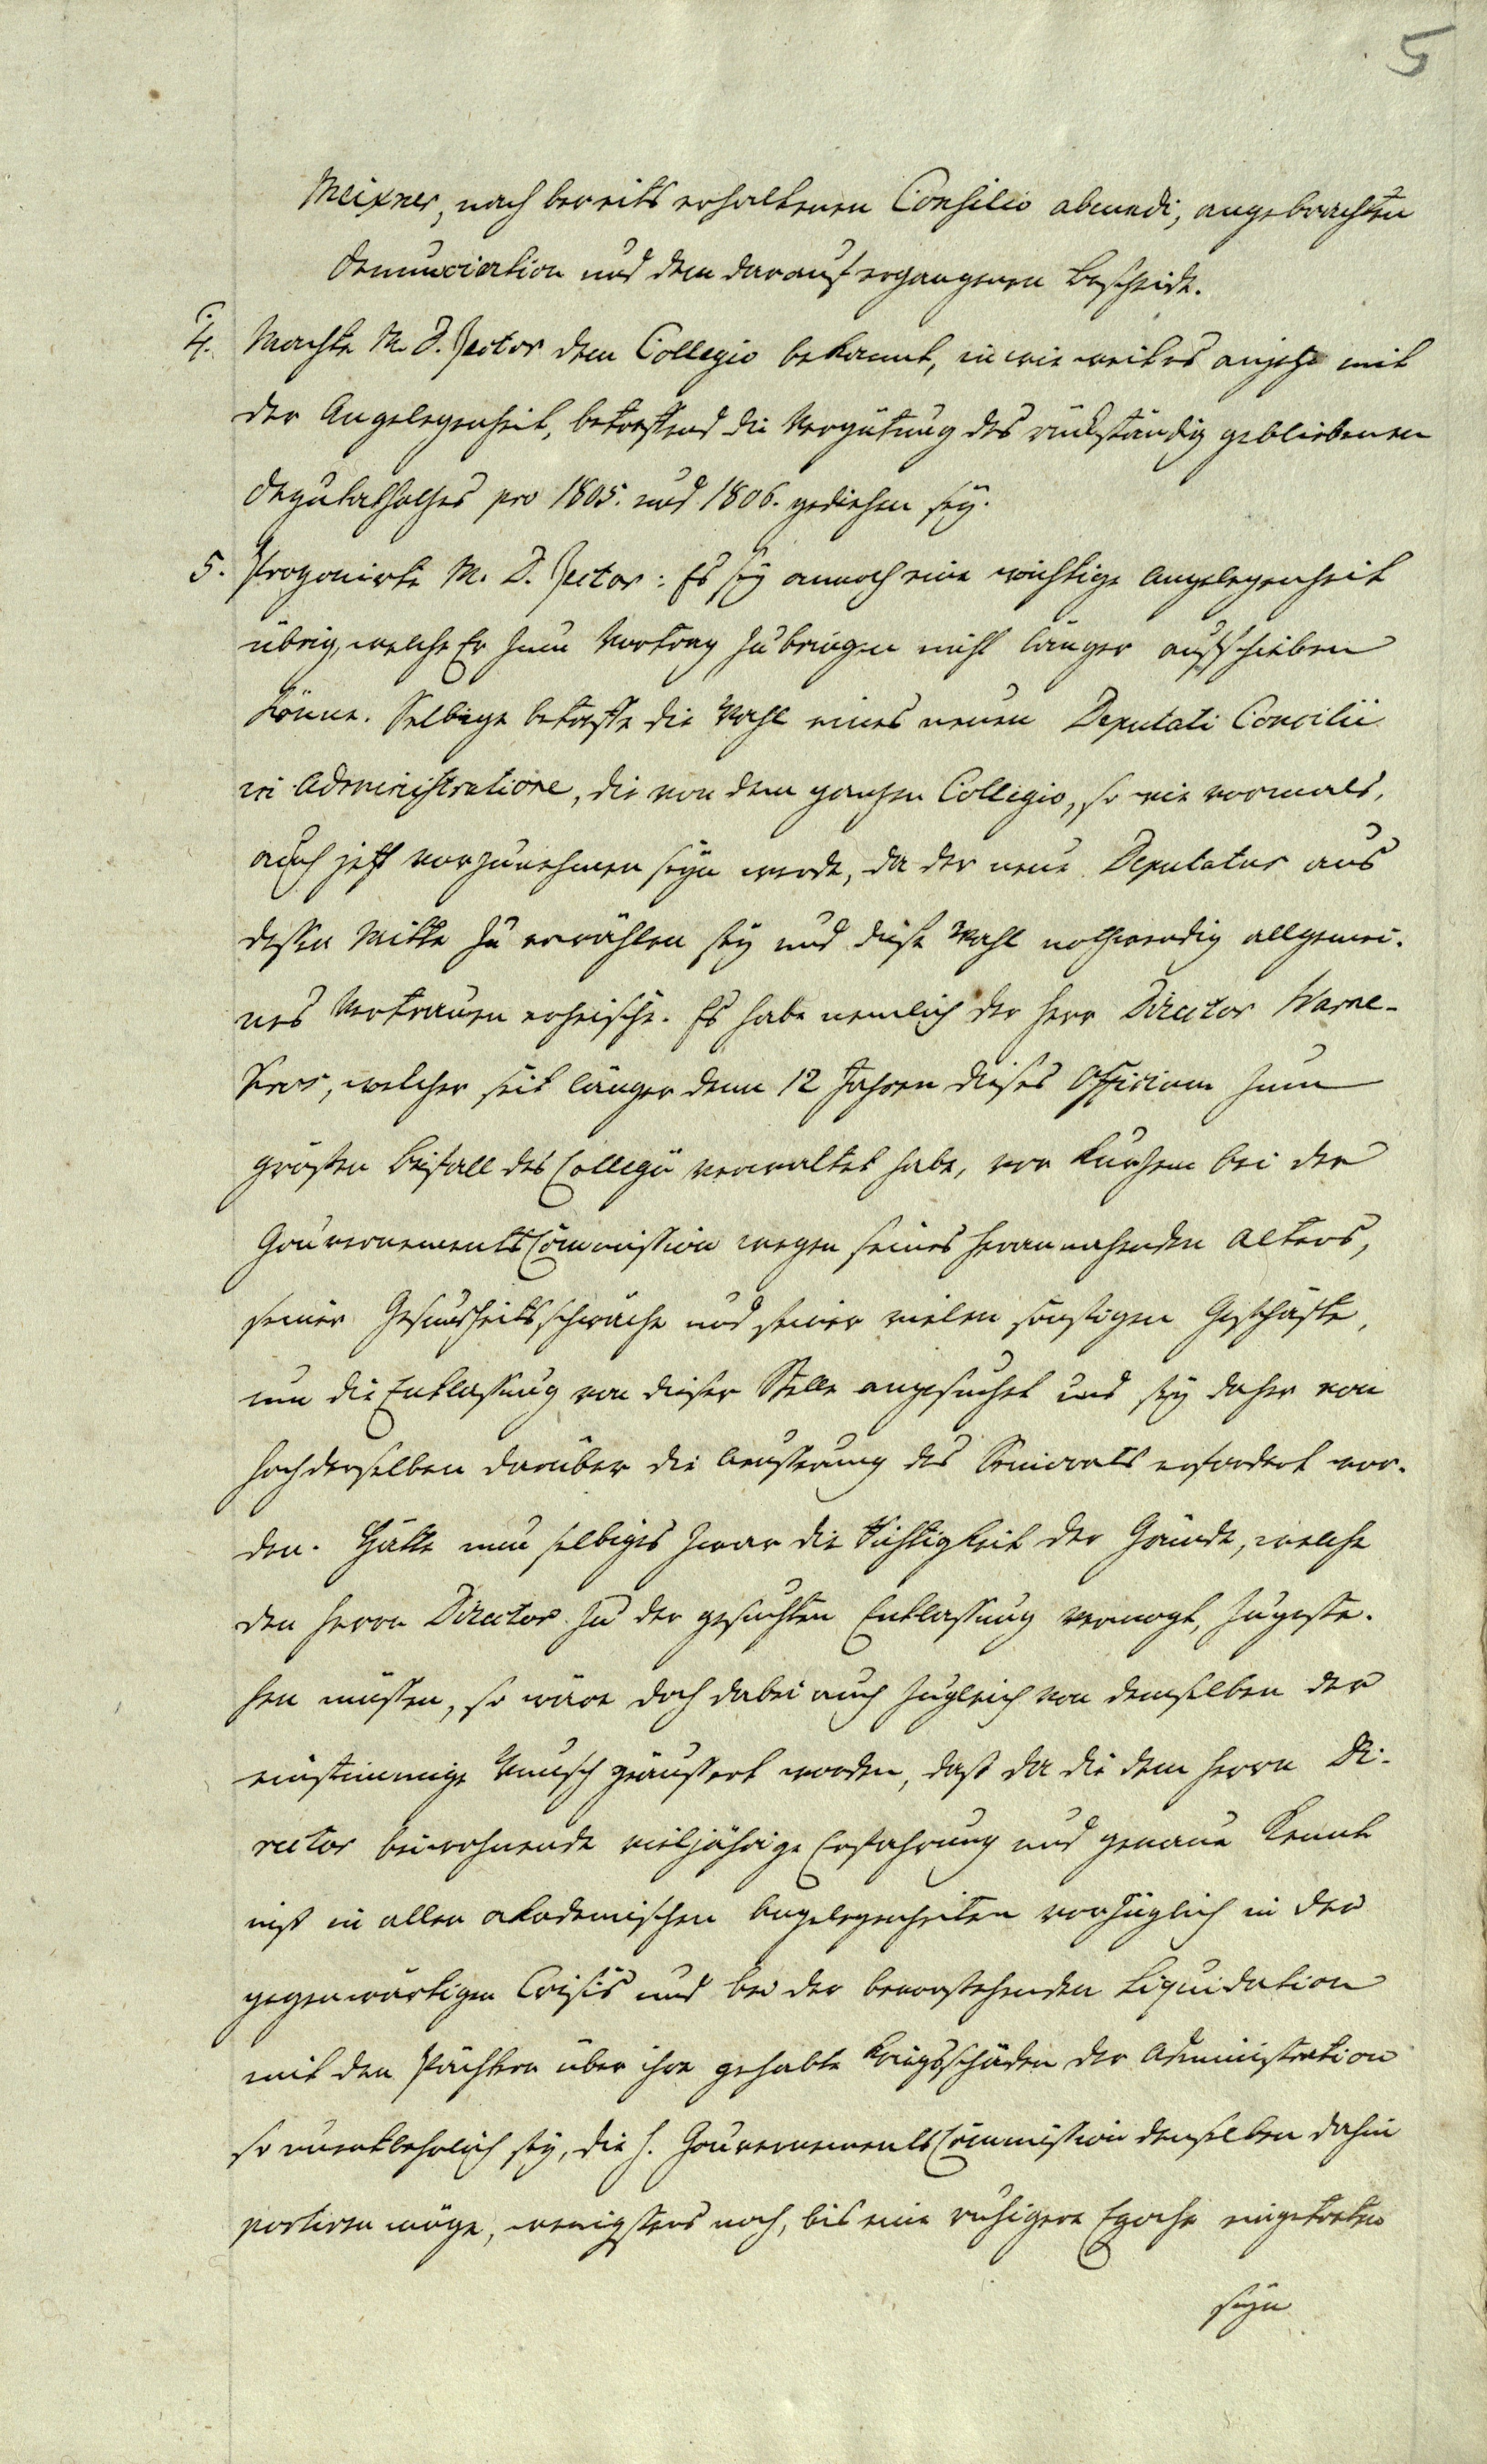Meixner, nach bereits erhaltenen Consilio abeundi; angebrachten
Denunciation und dem darauf ergangenen Bescheide.
4. Machte M. D. Rector dem Collegio bekannt, in wieweit es anjetzo mit
der Angelegenheit, betreffend die Vergütung des rückständig gebliebenen
Deputatholzes pro 1805. und 1806. gediehen seÿ.
5. Proponirte M. D. Rector: Es seÿ annoch eine wichtige Angelegenheit
übrig, welche Er zum Vortrag zu bringen nicht länger aufschieben
könne. Selbige betreffe die Wahl eines neuen Deputati Concilii
in Administratione, die von dem ganzen Collegio, so wie vormals,
auch jetzt vorzunehmen seÿn werde, da der neue Deputatus aus
dessen Mitte zu erwählen seÿ und diese Wahl nothwendig allgemei¬
nes Vertrauen erheische. Es habe nemlich der Herr Director Warne¬
kros, welcher seit länger denn 12 Jahren dieses Officium zum
grösten Beifall des Collegii verwaltet habe, vor kurzem bei der
GouvernementsCommission wegen seines heran nahenden Alters,
seiner Gesundheitsschwäche und seiner vielen sonstigen Geschäfte,
um die Entlassung von dieser Stelle angesuchet und seÿ daher von
hoch derselben darüber die Aeusserung des Seniorats erfordert wor¬
den. Hätte nun selbiges zwar die Richtigkeit der Gründe, welche
den Herrn Director zu der gesuchten Entlassung vermogt, zugeste¬
hen müssen, so wäre doch dabei auch zugleich von demselben der
einstimmige Wunsch geäussert worden, daß da die dem Herrn Di¬
rector beiwohnende vieljährige Erfahrung und genaue Kennt
niß in allen akademischen Angelegenheiten vorzüglich in der
gegenwärtigen Crisis und bei der bevorstehenden Liquidation
mit den Pächtern über ihre gehabte Kriegschäden der Administration
so unentbehrlich seÿ, die h. GouvernementsCommission denselben dahin
portiren möge, wenigstens noch, bis eine ruhigere Epoche eingetreten
seÿn